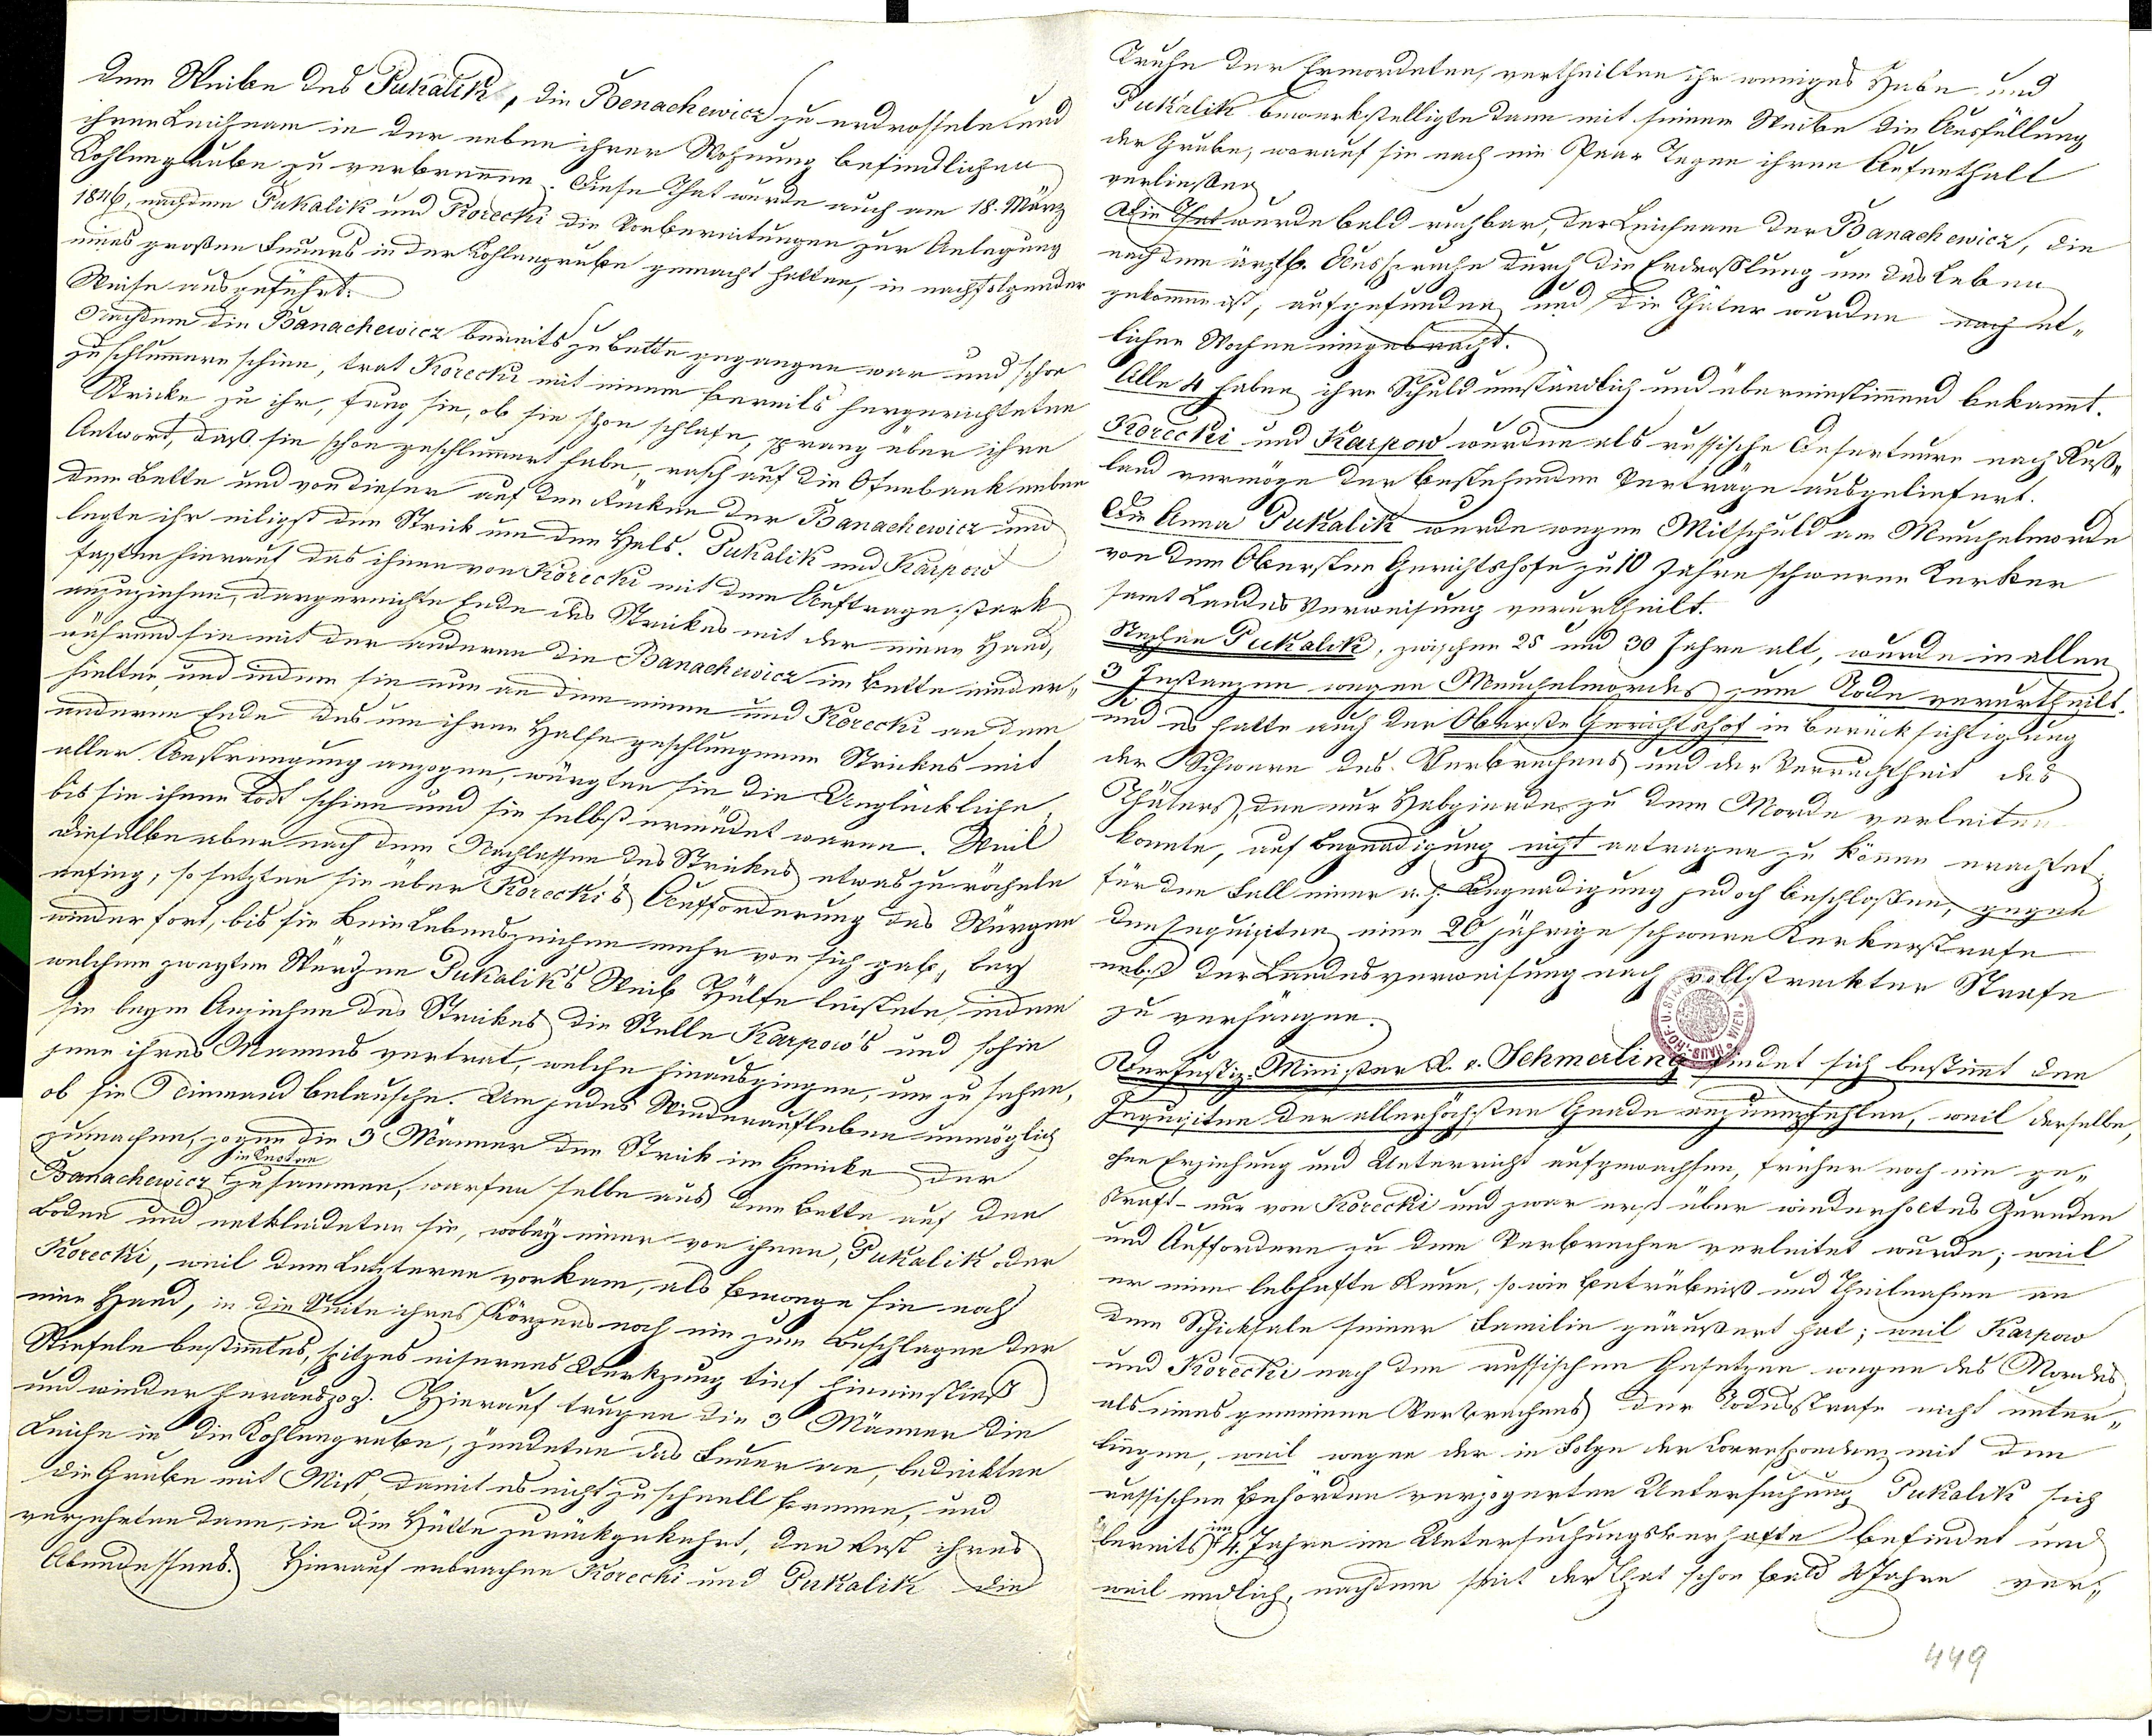dem Weibe des Pukalik, die Benachewicz zu erdrossele und
ihren Leichnam in der neben ihrer Wohnung befindlichen
Kohlgrube zu verbrennen. Diese That wurde auch am 18. März
1846, nachdemPukalik und Prorecki die Vorbereitungen zur Anlegung
eines großen Feuers in der Kohlengrube gemacht hatten, in nachfolgender
Weise aus geführt:
Nachdem die Banachewicz bereits Bette gegangen war und schon
zu schlummere schien, trat Korecki mit einem xxrnils hergerichteten
Stricke zu ihr, fung sie, obsinsgon schlefe, preng über ihre
Antwort, daß sie schon geschlummert habe, rasch auf die Ofenbank neben
den Bette und von dieser auf den Rücken der Banachewicz und
legte ihr eiligst den Strick um den Hals. Pukalik und Karpow
fassten hierauf das ihnen von Korecki mit dem Auftrage stark
anzuziehen, dargereichte Ende des Streikes mit der einen Hand,
nährend sie mit der anderen die Banchwicz im Bette nieder¬
hielten, und indem sie nun an dem einen und Korecki an dem
anderem Ende des um ihren Halfe geschlungenen Strickes mit
aller xx anzogen, würgten sie die Unglückliche,
bis sie ihren todt schien und sie selbst ermüdet waren. Weil
dieselbe aber nach dem Nachlassen des Strickes etwas zuröchele
xxfing, so setzten sie über Korecki's Aufforderung des Würgen
wieder fort, bis sie Bein Lebenszeichen mehr von sich gab, bey
welchem zweyten Würdzen Pukalik's Weib Hülfe leistete, indem
sie beym Anziehen des Strickes die Stelle Karpow's und sohin
xx ihres Mannes vertrat, welche hinausgingen, um zu sehen,
ob sie Niemand belausche. Um jedes Wiederaufleben unmöglich
zumachen, zogen die 3 Männer den Strick in Genicke der
in Knotan
Banachewicz zusammen, warfen selbe aus dem Bette auf den
Boden und mitkleideten für, wobey einer von ihnen, Pukalik oder
Korecki, weil dem Letzteren vorkam, als bewege sie noch
eine Hand, in die Seite ihres Körpers noch ein zum Beschlagen der
Stiefele bestimmtes, spitzes eisernes Werkzeug tief hinein stieß
und wieder herauszog. Hierauf trugen die 3 Männer die
Leiche in die Kohlengrube, zündeten das Feuer an, bedinkten
die Grube mit Mist, damit es nicht zu schnell brenne, und
verzehrten dann, in die Hütte zurückgekehrt, den Rast ihres
Abendessens. Hierauf erbrachen Korecki und Pukalik die
Truhe der Ermordeten, vertheilten ihr weniges Habe und
Pukalik bewerkstelligte dann mit seinem Weibe die Ausfällung
der Grube, worauf sie nach nie Paar Tagen ihren Aufenthalt
verließen
Die That wurde bald ruchbar, der Leichnam der Banachewicz, die
nach dem ärztb. Ausspruche durch die Erdroßlung um das Lebe
gekommen ist, aufgefunden und die Thäter wurden nach et¬
lichen Wochen eingebracht.
Alle 4 haben ihre Schuld umständlich und übereinstimmend bekannt.
Korecki und Karpow wurden als russische Deserteure nach Ruß¬
land vermöge der bestehenden Verträge ausgeliefert.
Die Anna Pukalik wurde wegen Mitschuld am Meuchelmorde
von dem Obersten Gerichtshofe zu 10 Jahre schweren Kerker
samt Landes Verweisung verurtheilt.
Stephan Pukalik, zwischen 25 und 30 Jahre alt, wurde in allen
3 Jnstanzen wegen Meuchelmordes zum Tode verurtheilt.
und es hatte auch der Oberste Gerichtshof in Berücksichtigung
der Schwere des Verbrechens und der Verruchtheit des
Thäters, den nur Habxx zu dem Morde verleiten
konnte, auf Begnadigung nicht antragen zu können erachtet;
für den Fall einer a. h. Begnadigung jedoch beschloßen, gegen
den Jnquisiten eine 20 jährige schwere Kerkerstrafe
nebst der Landesverweisung nach vollstreckter Strafe
zu verhängen.
Der Justiz-Minister R. v. Schmerling findet sich bestimmt den
Jnquisiten der allerhöchsten Gnade anzuempfehlen, weil derselbe,
ohne Erziehung und Unterricht aufgewachsen, früher noch ein ge¬
straft_ nur von Korecki und zwar erst über wiederholtes Zureden
und Auffordere zu dem Verbrechen verleitet wurde; weil
er eine lebhafte Reue, so wie Betrübniß und Theilnahme an
dem Schicksale seiner Familie geäußert hat; weil Karpow
und Korecki nach den russischen Gesetzen wegen des Mordes
als eines gemeinen Verbrechens der Todesstrafe nicht unter¬
liegen, weil wegen der in Folge der Correspondenz mit den
russischen Behörden verzögerten Untersuchung Pukalik sich
im
bereits 4. Jahre im Untersuchungsverhafte befindet und
weil endlich, nachdem seit der That schon bald 4 Jahre ver¬
449